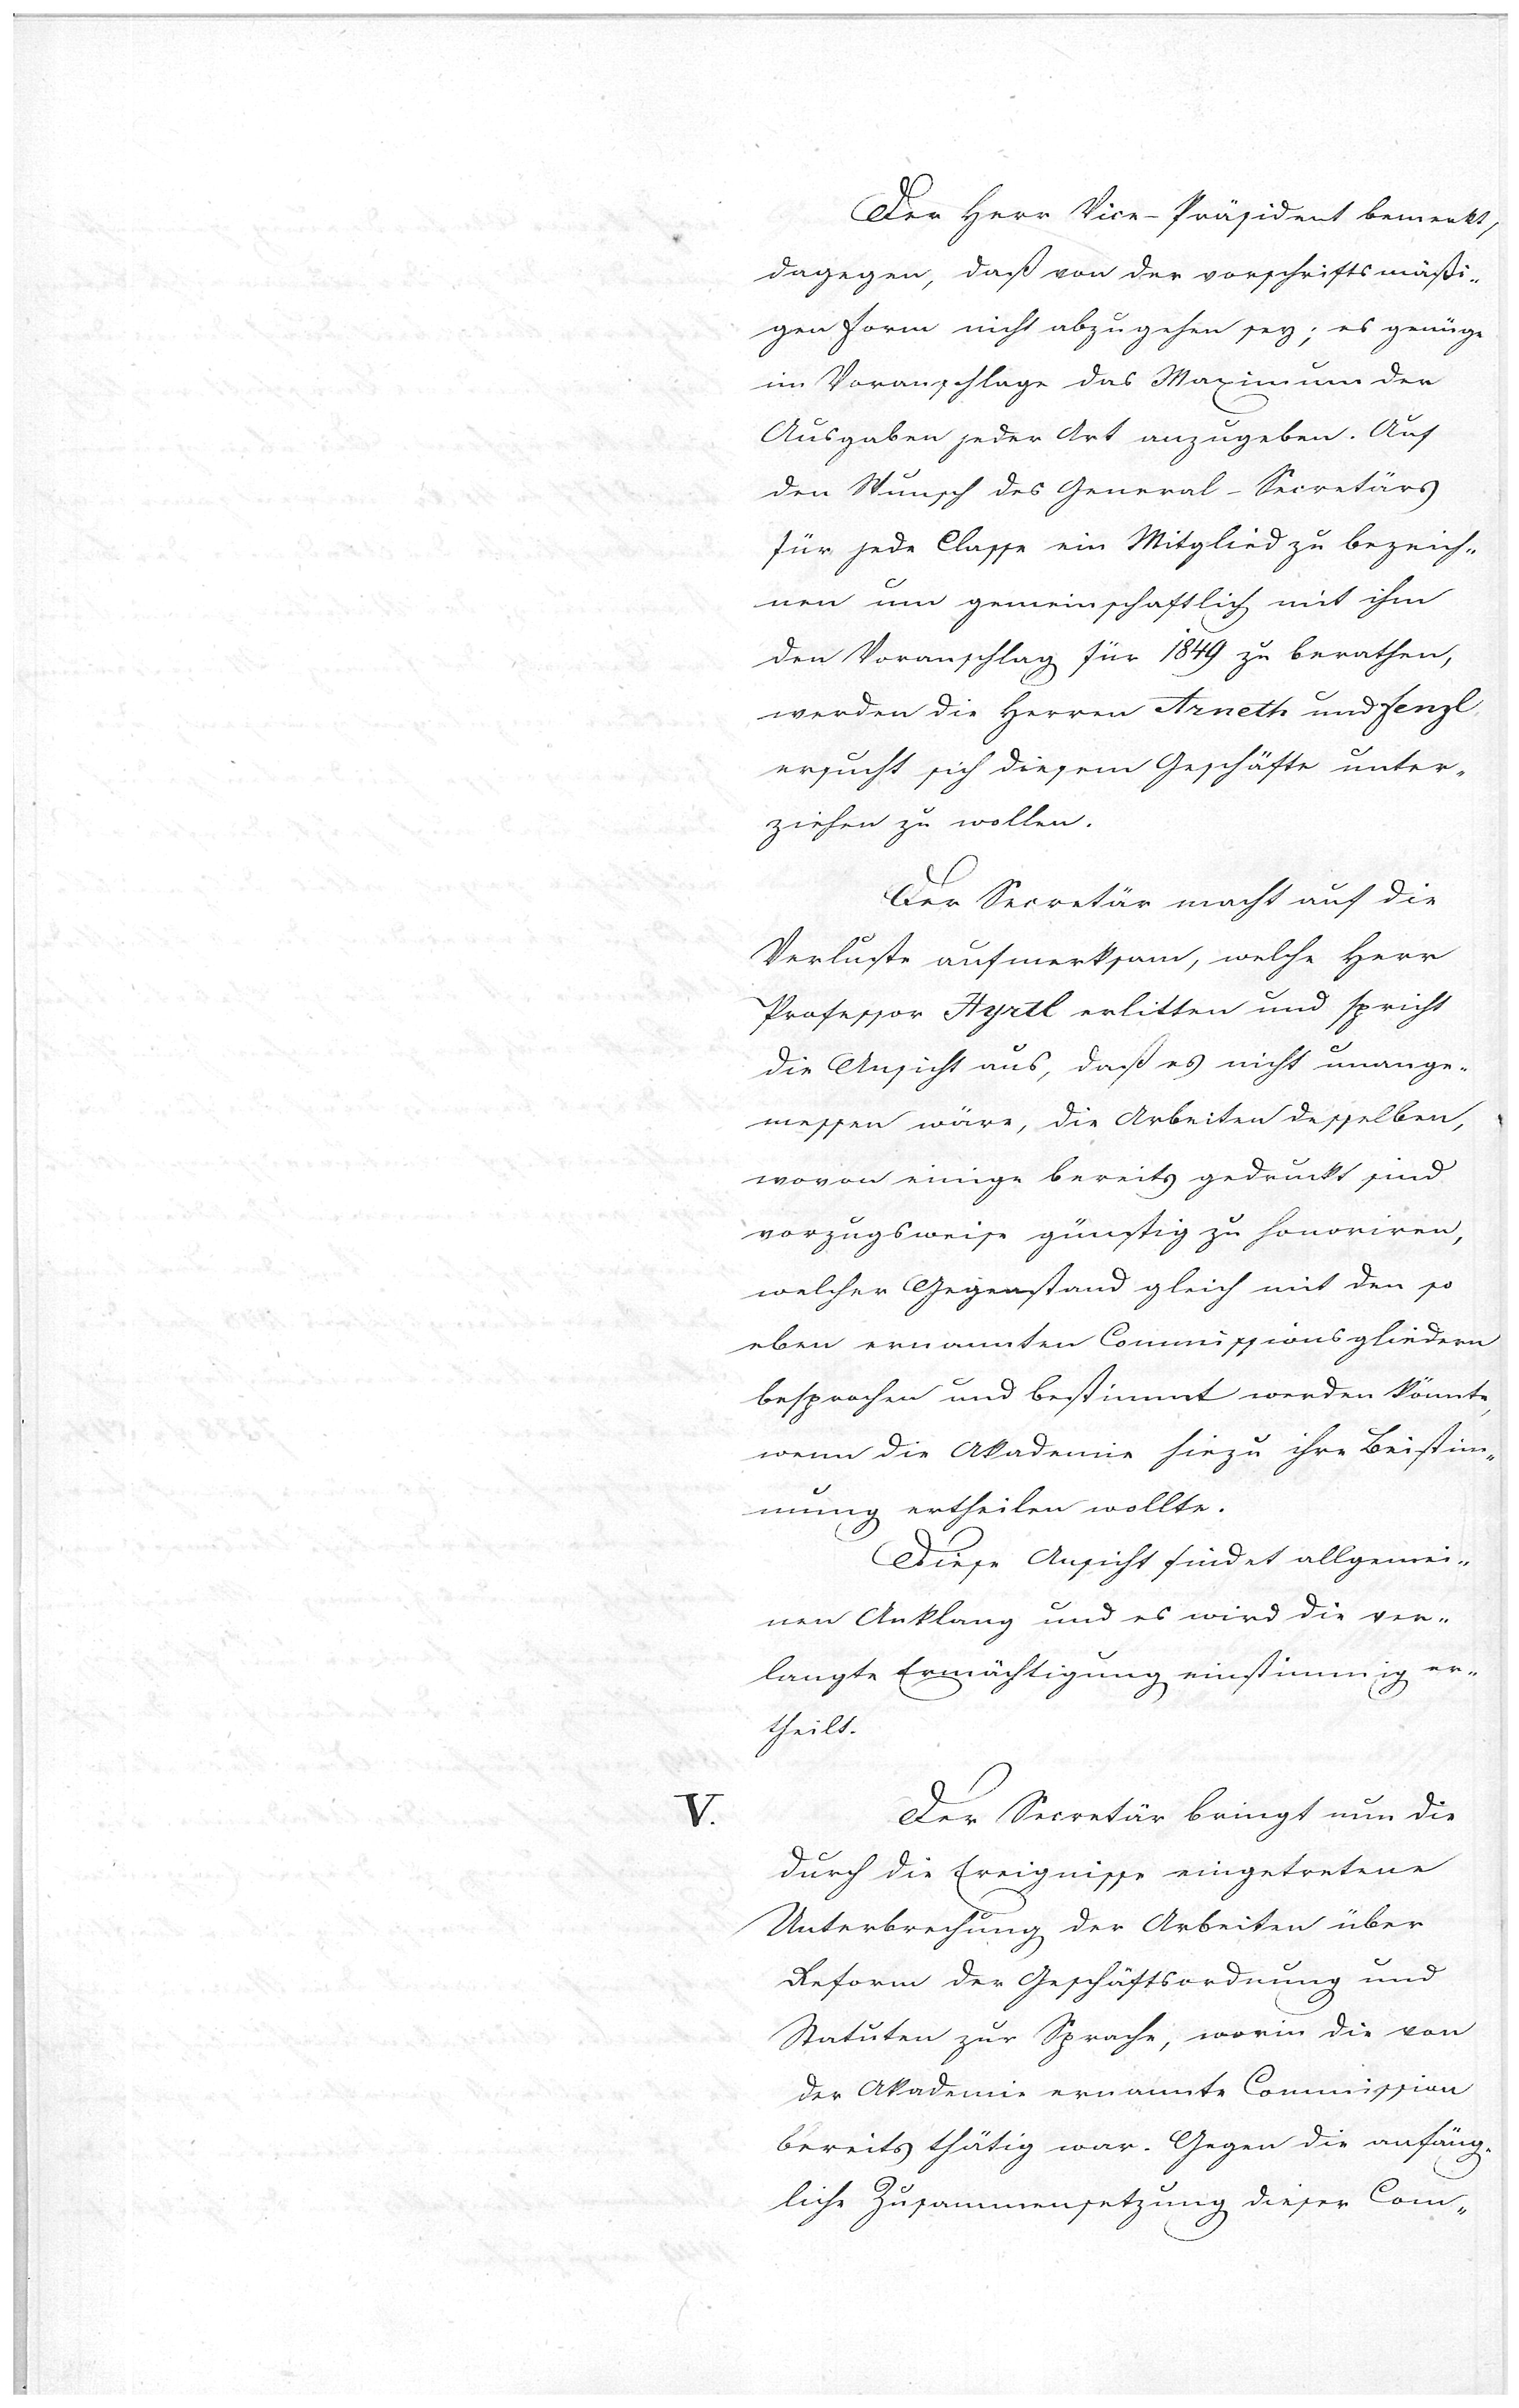Der Herr Vice-Präsident bemerkt,
dagegen, daß von der vorschriftsmäßi-
gen Form nicht abzugehen sey; es genüge
im Voranschlage das Maximum der
Ausgaben jeder Art anzugeben. Auf
den Wunsch des General-Secretärs
für jede Classe ein Mitglied zu bezeich-
nen nun gemeinschaftlich mit ihm
den Voranschlag für 1849 zu berathen,
werden die Herren Arneth und Fenzl
ersucht sich diesem Geschäfte unter-
ziehen zu wollen.
Der Secretär macht auf die
Verluste aufmerksant, welche Herr
Professor Hyrtl erlitten und spricht
die Ansicht aus, daß es nicht unange-
messen wäre, die Arbeiten desselben,
wovon eine bereits gedruckt sind
vorzugsweise günstig zu hononiren,
welcher Gegenstand gleich mit den so
eben ernannten Commissionsgliedern
besprochen und bestimmt werden könnte,
wenn die Akademie hiezu ihre Beistim-
mung ertheilen wollte.
Der Ansicht findet allgemei-
nen Anklang und es wird die ver-
langte Ermächtigung einstimmig er-
theilt.
Der Secretär bringt nun die
durch die Ereignisse eingetretene
Unterbrechung der Arbeiten über
Reforn der Geschäftsordnung und
Statuten zur Sprache, worin die von
der Akademie ernannte Commission
bereits thätig war. Gegen die anfäng-
liche Zusammenpetzung dieser Com-
V.